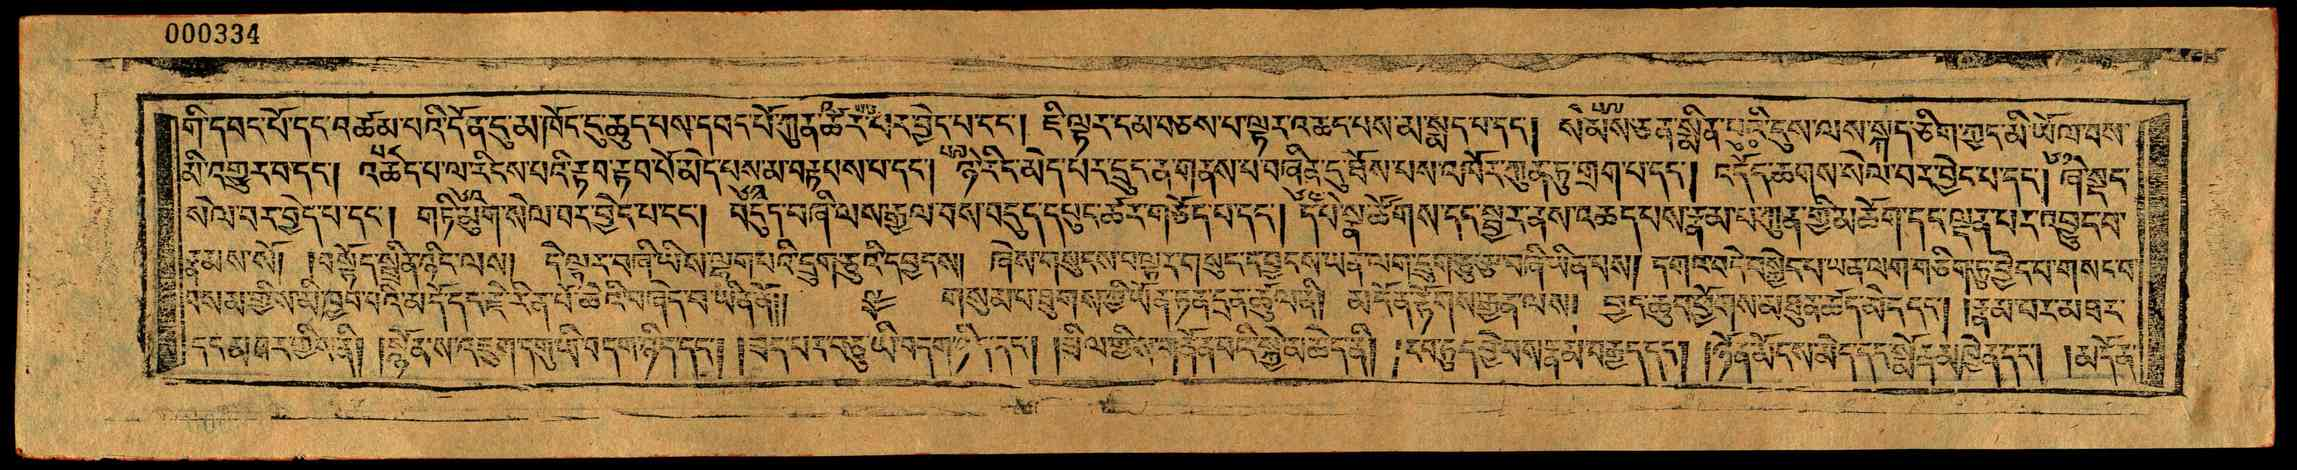གི་དབང་པོ་དང་འཚམ་པའི་དོན་དུ་མ་ཁོང་དུ་ཆུད་པས་དབང་པོ་ཀུན་ཚིར་པར་བྱེད་པ་དང་། ༥༦་ཇི་ལྟར་རྔ་མ་བཅས་པ་ལྟར་འཆད་པས་མ་སྨད་པ་དང་། ༥༧་སེམས་ཅན་སྨིན་པའི་དུས་ལས་སྐད་ཅིག་ཀྱང་མི་ཡོལ་བས་
མི་འགྱུར་བ་དང་། ༥༨་འཆད་པ་ལ་རིངས་པའི་རྟབ་རྟབ་པོ་མེད་པས་མ་བརྟབས་པ་དང་། ༥༩་ཉེ་རིང་མེད་པར་དྲུང་ན་གནས་པ་བཞིན་དུ་ཐོས་པས་འཁོར་ཀུན་ཏུ་གྲག་པ་དང་། ༦༠་འདོད་ཆགས་སེལ་བར་བྱེད་པ་དང་། ༦༡་ཞེ་སྡང་
སེལ་བར་བྱེད་པ་དང་། ༦༢་གཏི་མུག་སེལ་བར་བྱེད་པ་དང་། ༦༣་བདུད་བཞི་ལས་རྒྱལ་བས་བདུད་དཔུང་ཚར་གཅོད་པ་དང་། ༦༤་དཔེ་སྣ་ཚོགས་དང་སྦྱར་ནས་འཆད་པས་རྣམ་པ་ཀུན་གྱི་མཆོག་དང་ལྡན་པར་འབྱུང་བ་
རྣམས་སོ། །བསྟོད་སྤྲིན་ཉིད་ལས། དེ་ལྟར་བཞི་ཡིས་ལྷག་པའི་དྲུག་ཅུའི་དབྱངས། ཞེས་གསུངས་པ་ལྟར་གསུང་དབྱངས་ཡན་ལག་དྲུག་ཅུ་རྩ་བཞི་ཡིན་པས། དགའ་བདེ་བསྐྱེད་པ་ཡན་ལག་གཅིག་ཏུ་བྱེད་པ་གསང་བ་
བསམ་གྱིས་མི་ཁྱབ་པའི་མདོ་དང་རྗེ་རིན་པོ་ཆེའི་བཞེད་པ་ཡིན་ནོ།། ༈ གསུམ་པ་ཐུགས་ཀྱི་ཡོན་ཏན་དྲན་ཚུལ་ནི། མངོན་རྟོགས་རྒྱན་ལས། བྱང་ཆུབ་ཕྱོགས་མཐུན་ཚད་མེད་དང་། །རྣམ་པར་མཐར་
དང་མཐར་གྱིས་ནི། །སྙོམས་འཇུག་དགུ་ཡི་བདག་ཉིད་དང་། །ཟད་པར་བཅུ་ཡི་བདག་ཉིད་དང་། །ཟིལ་གྱིས་གནོན་པའི་སྐྱེ་མཆེད་ནི། །རབ་ཏུ་དབྱེ་བས་རྣམ་བརྒྱད་དང་། །ཉོན་མོངས་མེད་དང་སྨོན་མཁྱེན་དང་། །མངོན་